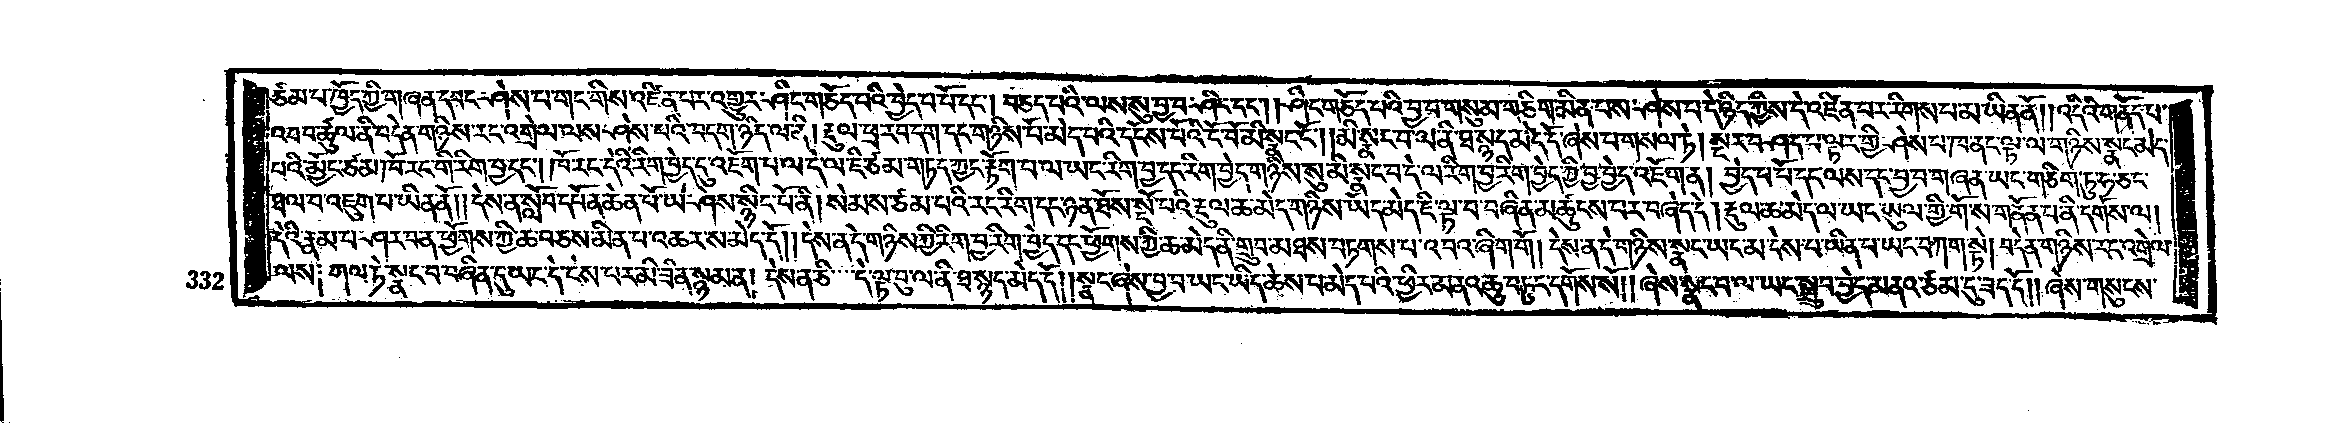ཙམ་པ་ཁྱོད་ཀྱི་གཞན་དབང་ཤེས་པ་གང་གིས་འཛིན་པར་འགྱུར་ཤིང་གཅོད་པའི་བྱེད་པ་པོ་དང་། བཅད་པའི་ལས་སུ་བྱ་བ་ཤིང་དང་། །ཤིང་གཅོད་པའི་བྱ་བ་གསུམ་གཅིག་མིན་པས་ཤེས་པ་དེ་ཉིད་ཀྱིས་དེ་འཛིན་པར་རིགས་པ་མ་ཡིན་ནོ། །འདིའི་གནོད་པ་
འབབ་ཚུལ་ནི་བདེན་གཉིས་རང་འགྲེལ་ལས་ཤེས་པའི་བདག་ཉིད་ལ་ནི། རྡུལ་ཕྲ་རབ་དག་དང་གཉིས་པོ་མེད་པའི་དངོས་པོའི་ངོ་བོ་མི་སྣང་ངོ། །མི་སྣང་བ་ལ་ནི་ཐ་སྙད་མེད་དོ་ཞེས་པ་གསལ་ཏེ། སྔར་བཤད་པ་ལྟར་གྱི་ཤེས་པ་ཁ་ནང་ལྟ་ལ་གཉིས་སྣང་མེད་
པའི་མྱོང་ཙམ་ཁོ་རང་གི་རིག་བྱ་དང་། ཁོ་རང་དེའི་རིག་བྱེད་དུ་འཇོག་པ་ལ་དེ་ལ་ཇི་ཙམ་གཏད་ཀྱང་རྟོག་པ་ལ་ཡང་རིག་བྱ་དང་རིག་བྱེད་གཉིས་སུ་མི་སྣང་བ་དེ་ལ་རིག་བྱ་རིག་བྱེད་ཀྱི་བྱ་བྱེད་འཇོག་ན། བྱེད་པ་པོ་དང་ལས་དང་བྱ་བ་གཞན་ཡང་གཅིག་ཏུ་ཧ་ཅང་
ཐལ་བ་འཇུག་པ་ཡིན་ནོ། །དེས་ན་སློབ་དཔོན་ཆེན་པོ་ཡེ་ཤེས་སྙིང་པོ་ནི། སེམས་ཙམ་པའི་རང་རིག་དང་ཉན་ཐོས་སྡེ་པའི་རྡུལ་ཆ་མེད་གཉིས་ཡོད་མེད་ཇི་ལྟ་བ་བཞིན་མཚུངས་པར་བཞེད་དེ། རྡུལ་ཆ་མེད་ལ་ཡང་ཡུལ་གྱི་གོ་ས་གནོན་པ་ནི་དགོས་ལ།
དེའི་རྣམ་པ་ཤར་བ་ན་ཕྱོགས་ཀྱི་ཆ་བཅས་མིན་པ་འཆར་ས་མེད་དོ། །དེས་ན་དེ་གཉིས་ཀྱི་རིག་བྱ་རིག་བྱེད་དང་ཕྱོགས་ཀྱི་ཆ་མེད་ནི་གྲུབ་མཐས་བཏགས་པ་འབའ་ཞིག་གོ །དེས་ན་དེ་གཉིས་སྣང་ཡང་མ་ངེས་པ་ཡིན་པ་ཡང་བཀག་སྟེ། བདེན་གཉིས་རང་འགྲེལ་
ལས། གལ་ཏེ་སྣང་བ་བཞིན་དུ་ཡང་དེ་ངེས་པར་མི་ཟིན་སྙམ་ན། དེས་ན་ཅི་དེ་ལྟ་བུ་ལ་ནི་ཐ་སྙད་མེད་དོ། །སྣང་ཞེས་བྱ་བ་ཡང་ཡིད་ཆེས་པ་མེད་པའི་ཕྱིར་མནའ་ཆུ་བཏུང་དགོས་སོ། །ཞེས་སྣང་བ་ལ་ཡང་སྒྲུབ་བྱེད་མནའ་ཙམ་དུ་ཟད་དོ། །ཞེས་གསུངས་